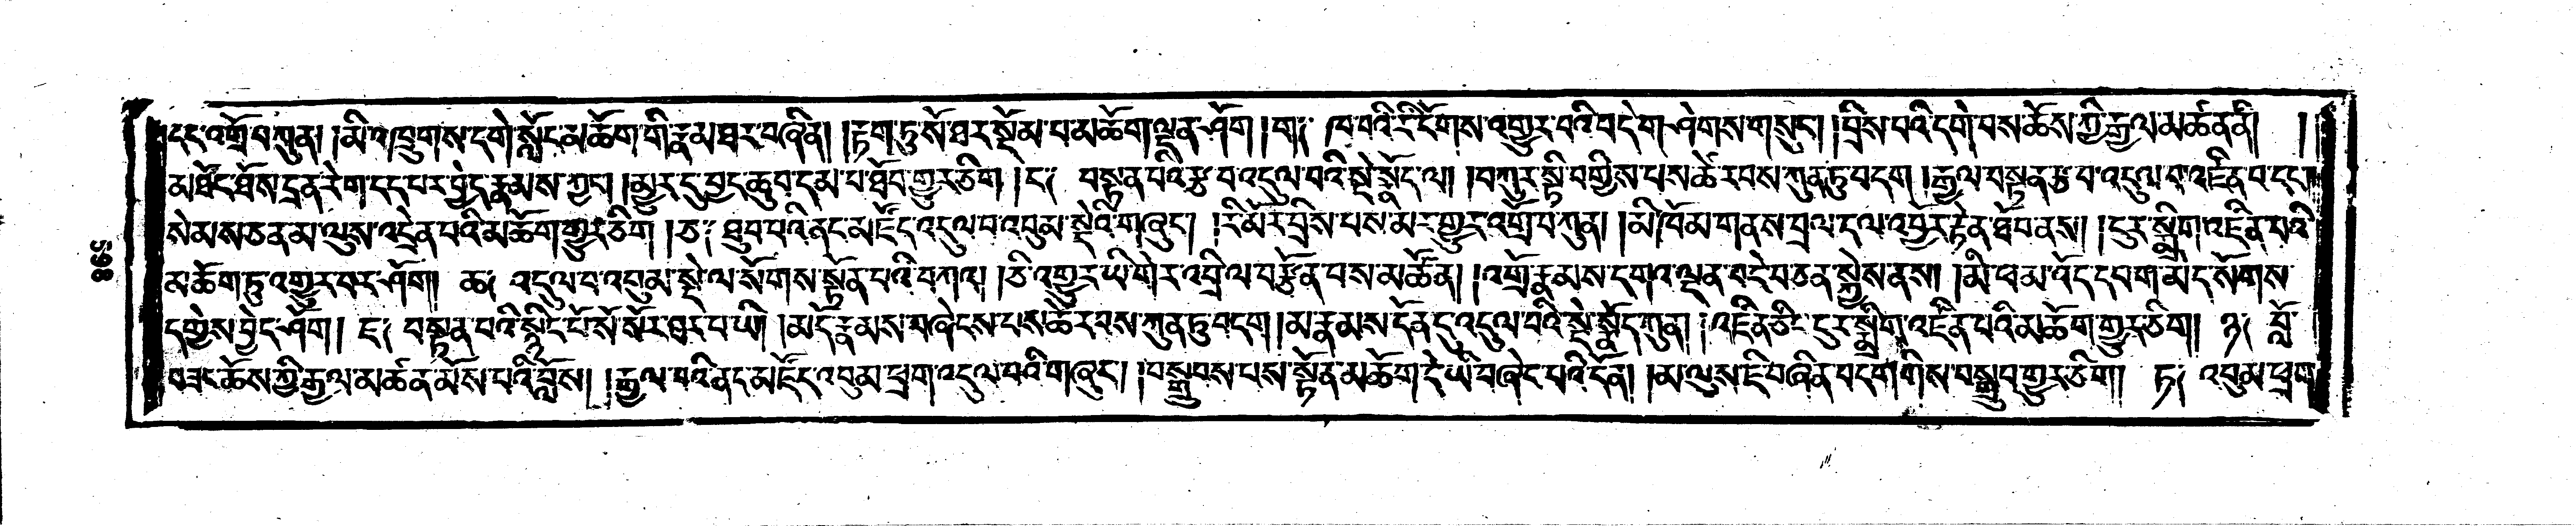དང་འགྲོ་བ་ཀུན། །མི་འཁྲུགས་དགེ་སློང་མཆོག་གི་རྣམ་ཐར་བཞིན། །རྟག་ཏུ་སོ་ཐར་སྡོམ་པ་མཆོག་ལྡན་ཤོག །ག༑ ཁ་བའི་རི་ངོགས་འགྱུར་བའི་བདེ་གཤེགས་གསུང་། །བྲིས་པའི་དགེ་བས་ཆོས་ཀྱི་རྒྱལ་མཚན་ནི། །
མཐོང་ཐོས་དྲན་རེག་དད་པར་བྱེད་རྣམས་ཀྱང་། །མྱུར་དུ་བྱང་ཆུབ་དམ་པ་ཐོབ་གྱུར་ཅིག །ང༑ བསྟན་པའི་རྩ་བ་འདུལ་བའི་སྡེ་སྣོད་ལ། །བཀུར་སྟི་བགྱིས་པས་ཚེ་རབས་ཀུན་ཏུ་བདག །རྒྱལ་བསྟན་རྩ་བ་འདུལ་བ་འཛིན་པ་དང་། །
སེམས་ཅན་མ་ལུས་འདྲེན་པའི་མཆོག་གྱུར་ཅིག །ཅ༑ ཐུབ་པའི་ནང་མཛོད་འདུལ་བ་འབུམ་སྡེའི་གཞུང་། །རི་མོར་བྲིས་པས་མར་གྱུར་འགྲོ་བ་ཀུན། །མི་ཁོམ་གནས་བྲལ་དལ་འབྱོར་རྟེན་ཐོབ་ནས། །ངུར་སྨྲིག་འཛིན་པའི་
མཆོག་ཏུ་འགྱུར་བར་ཤོག །ཆ༑ འདུལ་བ་འབུམ་སྡེ་ལ་སོགས་སྟོན་པའི་བཀའ། །ཅི་འགྱུར་ཡི་གེར་འབྲི་ལ་བརྩོན་པས་མཚོན། །འགྲོ་རྣམས་དགའ་ལྡན་བདེ་བ་ཅན་སྐྱེས་ནས། །མ་ཕམ་འོད་དཔག་མེད་སོགས་
དགྱེས་བྱེད་ཤོག །ཇ༑ བསྟན་པའི་སྙིང་པོ་སོ་སོར་ཐར་པ་ཡི། །མདོ་རྣམས་བཞེངས་པས་ཚེ་རབས་ཀུན་ཏུ་བདག །མ་རྣམས་དོན་དུ་འདུལ་བའི་སྡེ་སྣོད་ཀུན། །འཛིན་ཅིང་ངུར་སྨྲིག་འཛིན་པའི་མཆོག་གྱུར་ཅིག །ཉ༑ བློ་
བཟང་ཆོས་ཀྱི་རྒྱལ་མཚན་མོས་པའི་བློས། །རྒྱལ་བའི་ནང་མཛོད་འབུམ་ཕྲག་འདུལ་བའི་གཞུང་། །བསྒྲུབས་པས་སྟོན་མཆོག་དེ་ཡི་བཞེད་པའི་དོན། །མ་ལུས་ཇི་བཞིན་བདག་གིས་བསྒྲུབ་གྱུར་ཅིག །ཏ༑ འབུམ་ཕྲག་